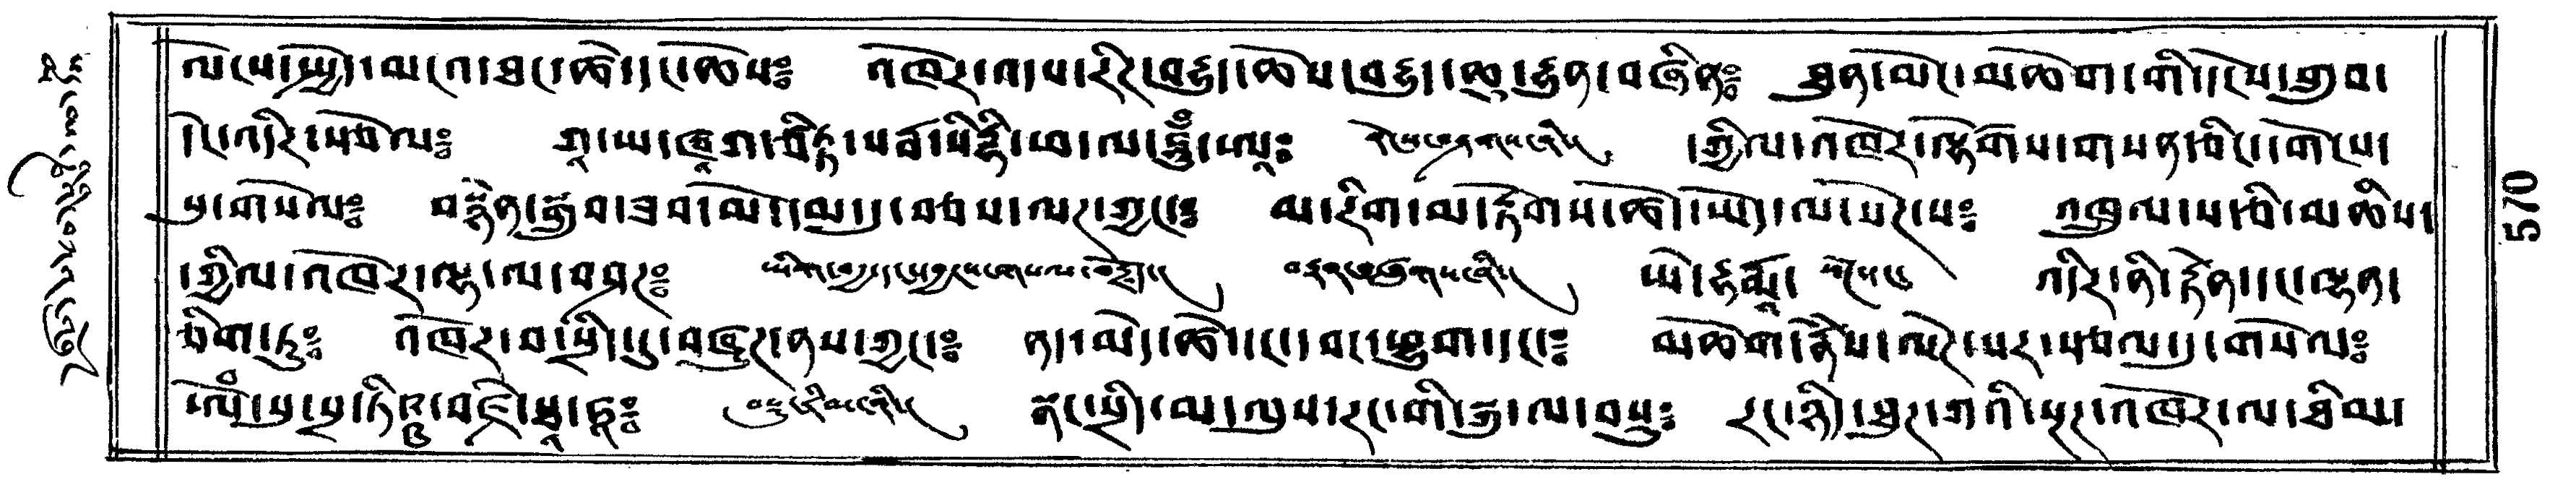ལོངས་སྤྱོད་མངའ་ཐང་ཚེ་དང་ཆོས༔ འཁོར་འདས་རིགས་རྒྱུད་ཆོས་རྒྱུད་ཆུ་རྒྱུན་བཞིན༔ ཐུན་མོང་མཆོག་གི་དངོས་གྲུབ་
དེང་འདིར་སྩོལ༔ ཀཱ་ཡ་ཝཱཀྐ་ཙིཏྟ་སརྦ་སིདྡྷི་ཕ་ལ་ཧཱུྃ་ཨཱཿ ནོངས་བཤགས་ནི། དཀྱིལ་འཁོར་ལྷ་ཚོགས་གསན་ཅིང་དགོངས་
སུ་གསོལ༔ སྙེན་སྒྲུབ་ཟབ་མོ་དམ་དུ་བཅས་ལགས་ཀྱང༔ མ་རིག་མ་རྟོགས་ཚོད་ཡོད་ལ་སོགས་པ༔ འཁྲུལ་པ་ཅི་མཆིས་
དཀྱིལ་འཁོར་ལྷ་ལ་བཤགས༔ ཡིག་བརྒྱ་དང་དབྱངས་གསལ་བརྗོད། བརྟན་བཞུགས་ནི། ཡེ་དྷརྨཱ༴ སོགས་དང་། འདིར་ནི་རྟེན་དང་ལྷན་
ཅིག་ཏུ༔ འཁོར་བ་སྲིད་དུ་བཞུགས་ནས་ཀྱང༔ ནད་མེད་ཚེ་དང་དབང་ཕྱུག་དང༔ མཆོག་རྣམས་ལེགས་པར་བསྩལ་དུ་གསོལ༔ 
ཨོཾ་སུ་པྲ་ཏིཥྛ་བཛྲ་སྭ་ཧཱ༔ བསྡུ་རིམ་ནི། སྣང་སྲིད་མ་ལུས་རང་གི་སྐུ་ལ་བསྡུ༔ རང་ཉིད་ཐུགས་ཀའི་སྔགས་འཁོར་ལ་ཐིམ་